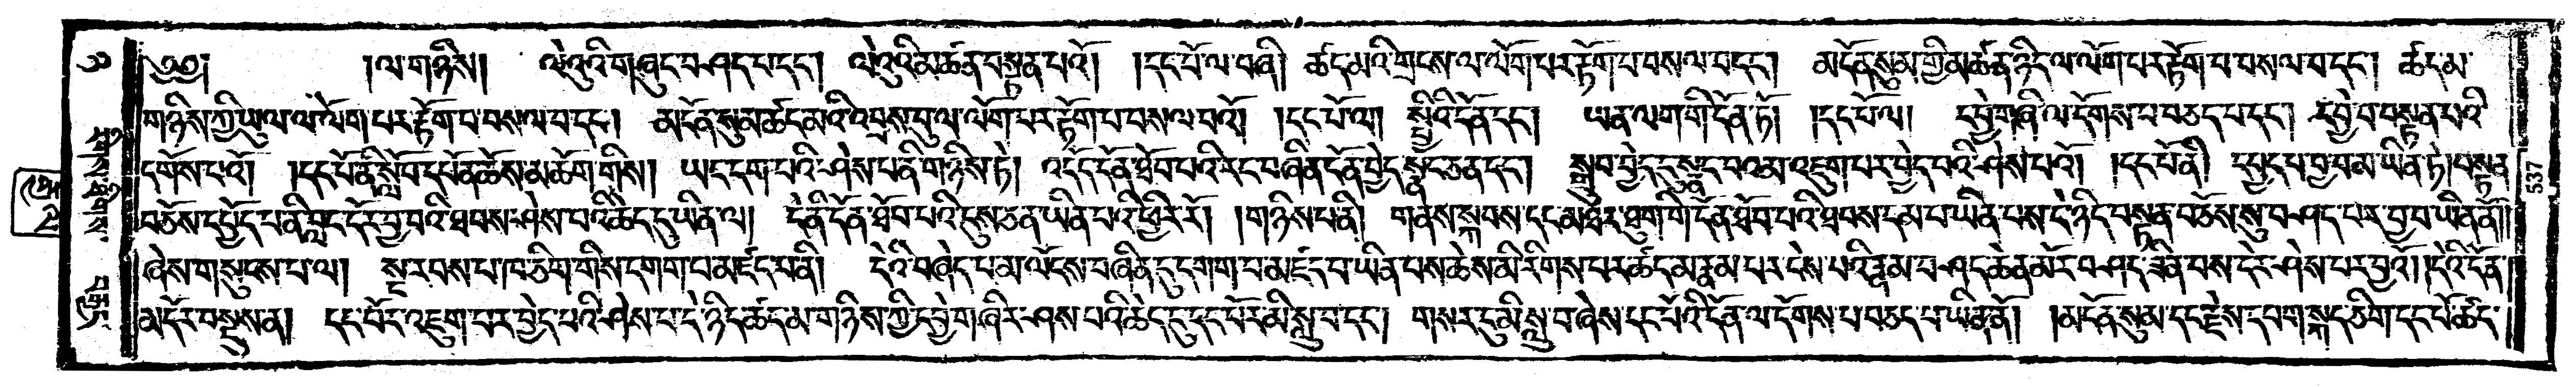༄༅། །ལ་གཉིས། ལེའུའི་གཞུང་བཤད་པ་དང་། ལེའུའི་མཚན་བསྟན་པའོ། །དང་པོ་ལ་བཞི། ཚད་མའི་གྲངས་ལ་ལོག་པར་རྟོག་པ་བསལ་བ་དང་། མངོན་སུམ་གྱི་མཚན་ཉིད་ལ་ལོག་པར་རྟོག་པ་བསལ་བ་དང་། ཚད་མ་
གཉིས་ཀྱི་ཡུལ་ལ་ལོག་པར་རྟོག་བ་བསལ་བ་དང་། མངོན་སུམ་ཚད་མའི་འབྲས་བུ་ལ་ལོག་པར་རྟོག་པ་བསལ་བའོ། །དང་པོ་ལ། སྤྱིའི་དོན་དང་། ཡན་ལག་གི་དོན་ཏོ། །དང་པོ་ལ། དབྱེ་གཞི་ལ་དགོས་པ་བཅད་པ་དང་། དབྱེ་བ་བསྟན་པའི་
དགོས་པའོ། །དང་པོ་ནི་སློབ་དཔོན་ཆོས་མཆོག་གིས། ཡང་དག་པའི་ཤེས་པ་ནི་གཉིས་ཏེ། འདོད་དོན་ཐོབ་པའི་རང་བཞིན་དོན་བྱེད་སྣང་ཅན་དང་། སྒྲུབ་བྱེད་དུ་སྣང་བའམ་འཇུག་པར་བྱེད་པའི་ཤེས་པའོ། །དང་པོ་ནི། དཔྱད་པ་བྱ་བ་མ་ཡིན་ཏེ། བསྟན་
བཅོས་དཔྱོད་པ་ནི་བླང་དོར་བྱ་བའི་ཐབས་ཤེས་པའི་ཆེད་དུ་ཡིན་ལ། དེ་ནི་དོན་ཐོབ་པའི་དུས་ཅན་ཡིན་པའི་ཕྱིར་རོ། །གཉིས་པ་ནི། གནས་སྐབས་དང་མཐར་ཐུག་གི་དོན་ཐོབ་པའི་ཐབས་དམ་པ་ཡིན་པས་དེ་ཉིད་བསྟན་བཅོས་སུ་བཤད་པར་བྱ་བ་ཡིན་ནོ།།
ཞེས་གསུངས་པ་ལ། སྔ་རབས་པ་ཁ་ཅིག་གིས་དགག་པ་མཛད་པ་ནི། དེའི་བཞེད་པ་མ་ལོངས་བཞིན་དུ་དགག་བ་མཛད་པ་ཡིན་པས་ཆེས་མི་རིགས་པར་ཚད་མ་རྣམ་པར་ངེས་པའི་རྣམ་བཤད་ཆེན་མོར་བཤད་ཟིན་བས་དེར་ཤེས་པར་བྱའོ། །དེའི་དོན་
མདོར་བསྡུས་ན། དང་བོར་འཇུག་པར་བྱེད་པའི་ཤེས་པ་དེ་ཉིད་ཚད་མ་གཉིས་ཀྱི་དབྱེ་གཞིར་ཤས་པའི་ཆེད་དུ་དང་པོར་མི་སླུ་བ་དང་། གསར་དུ་མི་སླུ་བ་ཞེས་དང་པོའི་དོན་ལ་དོགས་པ་བཅད་པ་ཡིན་ནོ། །མངོན་སུམ་དང་རྗེས་དཔག་སྐད་ཅིག་དང་པོ་ཚད་